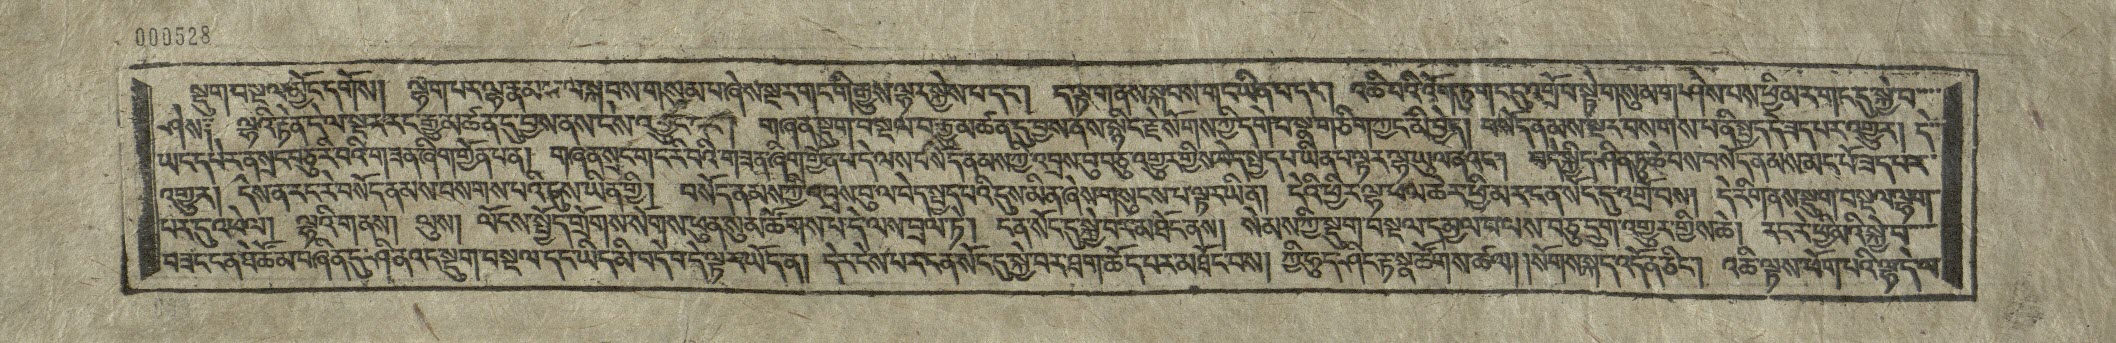སྡུག་བསྔལ་མྱོང་དགོས། ལྷག་པར་ལྷ་རྣམས་ལ་སྐབས་གསུམ་པ་ཞེས་སྔར་གང་གི་རྒྱུས་ལྷར་སྐྱེས་པ་དང་། ད་ལྟ་གནས་སྐབས་གང་ཡིན་པ་དང་། འཆི་བའི་འོག་ཏུ་གང་དུ་འགྲོ་བ་སྟེ་གསུམ་ག་ཤེས་པས་ཕྱི་མར་གང་དུ་སྐྱེ་བ་
ཤེས༑ ལྷའི་རྟེན་དེ་ལ་སྔར་རང་རྒྱུ་མཚན་དུ་བྱས་ནས་ངེས་འབྱུང་དང་། གཞན་སྡུག་བསྔལ་བ་རྒྱུ་མཚན་དུ་བྱས་ནས་སྙིང་རྗེ་སོགས་ཀྱི་དགེ་བ་སྣ་གཅིག་ཀྱང་མི་བྱེད། བསོད་ནམས་སྔར་བསགས་པ་ནི་སྤྱད་དེ་ཟད་པར་འགྱུར། དེ་
ཡང་དཔེར་ན་སྲང་བཅུ་རི་བའི་གཟན་ཞིག་གྱོན་པ་ན། གཞན་སྲང་གང་རི་བའི་གཟན་ཞིག་གྱོན་པ་དེ་ལས་བསོད་ནམས་ཀྱི་འབྲས་བུ་བཅུ་འགྱུར་གྱིས་བདེ་སྤྱད་པ་ཡིན་པ་ལྟར་ལྷ་ཡུལ་ནའང་། བདེ་སྐྱིད་ཤིན་ཏུ་ཆེ་བས་བསོད་ནམས་མང་པོ་ཟད་པར་
འགྱུར། དེས་ན་རང་རེ་བསོད་ནམས་བསགས་པའི་དུས་ཡིན་གྱི། བསོད་ནམས་ཀྱི་འབྲས་བུ་ལ་བེད་སྤྱད་པའི་དུས་མིན་ཞེས་གསུངས་པ་ལྟར་ཡིན། དེའི་ཕྱིར་ལྷ་ཕལ་ཆེར་ཕྱི་མར་ངན་སོང་དུ་འགྲོ་བས། དེ་རིག་ནས་སྡུག་བསྔལ་ལྷག་
པར་དུ་འཕེལ། ལྷའི་གནས། ལུས། ལོངས་སྤྱོད་གྲོགས་སོགས་ཕུན་སུམ་ཚོགས་པ་དེ་ལས་བྲལ་ཏེ། ངན་སོང་དུ་སྐྱེ་བར་མཐོང་ནས། སེམས་ཀྱི་སྡུག་བསྔལ་དམྱལ་བ་ལས་བཅུ་དྲུག་འགྱུར་གྱིས་ཆེ། རང་རེ་ཕྱི་མའི་སྐྱེ་བ་
བཟང་ངན་ཐེ་ཚོམ་བཞིན་དུ་ཤི་ནའང་སྡུག་བསྔལ་དང་ཡིད་མི་བདེ་བ་དེ་ལྟར་ཡོད་ན། དེར་ངེས་པར་ངན་སོང་དུ་སྐྱེ་བར་ཐག་ཆོད་པར་མཐོང་བས། ཀྱི་ཧུད་ཤིང་རྟ་སྣ་ཚོགས་ཚལ། །སོགས་སྐད་འདོན་ཆིང་། འཆི་ལྟས་ཕོག་པའི་ལྷ་དེ་ལ་